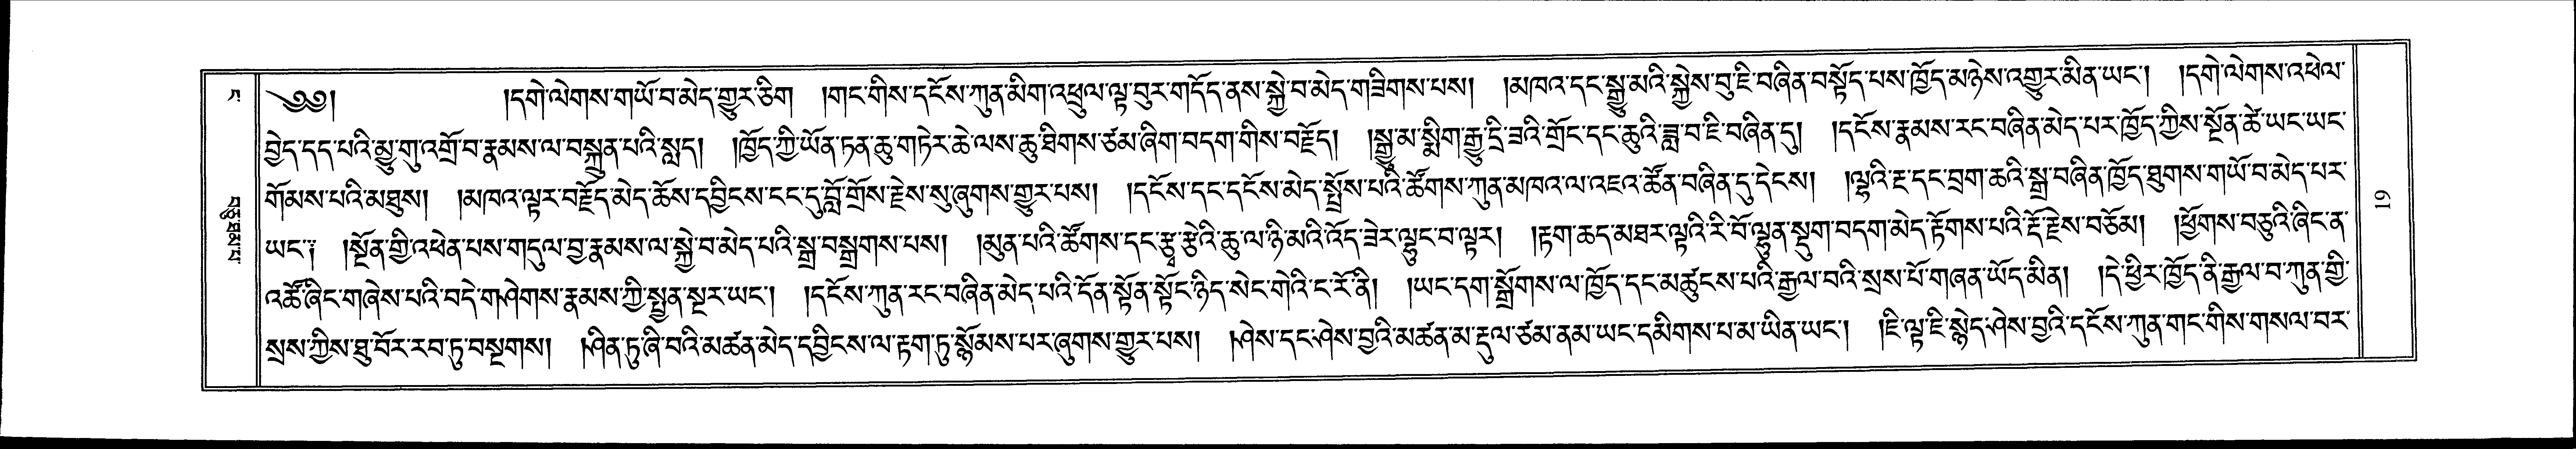༄༅། །དགེ་ལེགས་གཡོ་བ་མེད་གྱུར་ཅིག །གང་གིས་དངོས་ཀུན་མིག་འཕྲུལ་ལྟ་བུར་གདོད་ནས་སྐྱེ་བ་མེད་གཟིགས་པས། །མཁའ་དང་སྒྱུ་མའི་སྐྱེས་བུ་ཇི་བཞིན་བསྟོད་པས་ཁྱོད་མཉེས་འགྱུར་མིན་ཡང་། །དགེ་ལེགས་འཕེལ་
བྱེད་དད་པའི་མྱུ་གུ་འགྲོ་བ་རྣམས་ལ་བསྐྲུན་པའི་སླད། །ཁྱོད་ཀྱི་ཡོན་ཏན་ཆུ་གཏེར་ཆེ་ལས་ཆུ་ཐིགས་ཙམ་ཞིག་བདག་གིས་བརྗོད། །སྒྱུ་མ་སྨིག་རྒྱུ་དྲི་ཟའི་གྲོང་དང་ཆུའི་ཟླ་བ་ཇི་བཞིན་དུ། །དངོས་རྣམས་རང་བཞིན་མེད་པར་ཁྱོད་ཀྱིས་སྔོན་ཚེ་ཡང་ཡང་
གོམས་པའི་མཐུས། །མཁའ་ལྟར་རྗོད་མེད་ཆོས་དབྱིངས་ངང་དུ་བློ་གྲོས་རྗེས་སུ་ཞུགས་གྱུར་པས། །དངོས་དང་དངོས་མེད་སྤྲོས་པའི་ཚོགས་ཀུན་མཁའ་ལ་འཇའ་ཚོན་བཞིན་དུ་དེངས། །ལྷའི་རྔ་དང་བྲག་ཆའི་སྒྲ་བཞིན་ཁྱོད་ཐུགས་གཡོ་བ་མེད་པར་
ཡང་། །སྔོན་གྱི་འཕེན་པས་གདུལ་བྱ་རྣམས་ལ་སྐྱེ་བ་མེད་པའི་སྒྲ་བསྒྲགས་པས། །མུན་པའི་ཚོགས་དང་རྩྭ་རྩེའི་ཆུ་ལ་ཉི་མའི་འོད་ཟེར་ལྷུང་བ་ལྟར། །རྟག་ཆད་མཐར་ལྟའི་རི་བོ་ལྷུན་སྡུག་བདག་མེད་རྟོགས་པའི་རྡོ་རྗེས་བཅོམ། །ཕྱོགས་བཅུའི་ཞིང་ན་
འཚོ་ཞིང་གཞེས་པའི་བདེ་གཤེགས་རྣམས་ཀྱི་སྤྱན་སྔར་ཡང་། །དངོས་ཀུན་རང་བཞིན་མེད་པའི་དོན་སྟོན་སྟོང་ཉིད་སེང་གེའི་ང་རོ་ནི། །ཡང་དག་སྒྲོགས་ལ་ཁྱོད་དང་མཚུངས་པའི་རྒྱལ་བའི་སྲས་པོ་གཞན་ཡོད་མིན། །དེ་ཕྱིར་ཁྱོད་ནི་རྒྱལ་བ་ཀུན་གྱི་
སྲས་ཀྱིས་ཐུ་བོར་རབ་ཏུ་བསྔགས། །ཤིན་ཏུ་ཞི་བའི་མཚན་མེད་དབྱིངས་ལ་རྟག་ཏུ་སྙོམས་པར་ཞུགས་གྱུར་པས། །ཤེས་དང་ཤེས་བྱའི་མཚན་མ་རྡུལ་ཙམ་ནམ་ཡང་དམིགས་པ་མ་ཡིན་ཡང་། །ཇི་ལྟ་ཇི་སྙེད་ཤེས་བྱའི་དངོས་ཀུན་གང་གིས་གསལ་བར་